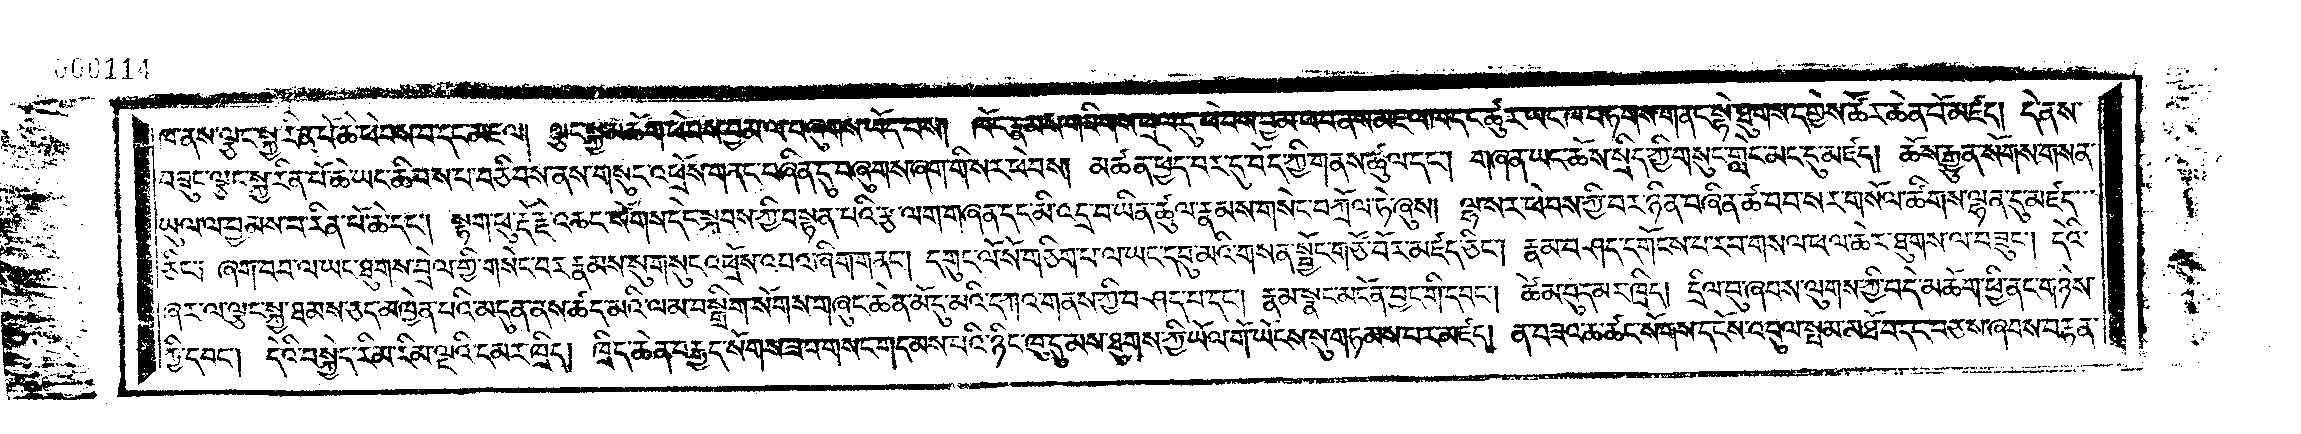ཁ་ནས་ལྕང་སྐྱ་རིན་པོ་ཆེ་ཕེབས་བ་དང་མཇལ། ལྕང་སྐྱ་མཆོག་ཕེབས་བྱམ་ལ་བཞུགས་ཡོད་པས། ཁོང་རྣམས་གཟིགས་ཕྲལ་དུ་ཕེབས་བྱམ་ཕབ་ནས་མཇལ་ཁ་དང་ཚུར་ཡང་ཁ་བཏགས་གནང་སྟེ་ཐུགས་དགྱེས་ཚོར་ཆེན་པོ་མཛད། དེ་ནས་
བཟུང་ལྕང་སྐྱ་རིན་པོ་ཆེ་ཡང་ཆིབས་པ་བཅིབས་ནས་གསུང་འཕྲོས་གནང་བཞིན་དུ་བཞུགས་ཞག་གི་སར་ཕེབས། མཚན་ཕྱེད་བར་དུ་བོད་ཀྱི་གནས་ཚུལ་དང་། གཞན་ཡང་ཆོས་སྲིད་ཀྱི་གསུང་གླེང་མང་དུ་མཛད། ཆོས་རྒྱུན་སོགས་གསན་
ཡུལ་ལ་བྱམས་པ་རིན་པོ་ཆེ་དང་། སྟག་ཕུ་རྡོ་རྗེ་འཆང་སོགས་དེང་སྐབས་ཀྱི་བསྟན་པའི་རྩ་ལག་གཞན་དང་མི་འདྲ་བ་ཡིན་ཚུལ་རྣམས་གསེང་བཀྲོལ་ཏེ་ཞུས། ལྷ་སར་ཕེབས་ཀྱི་བར་ཉིན་བཞིན་ཚ་བབ་སར་གསོལ་ཚིགས་ལྷན་དུ་མཛད་
ཅིང༑ ཞག་བབ་ལ་ཡང་ཐུགས་བྲེལ་གྱི་གསེང་བར་རྣམས་སུ་གསུང་འཕྲོས་འབའ་ཞིག་གནང་། དགུང་ལོ་སོ་གཅིག་པ་ལ་ཡང་དབུ་མའི་གསན་སྦྱོང་གཙོ་བོར་མཛད་ཅིང་། རྣམ་བཤད་དགོངས་པ་རབ་གསལ་ཕལ་ཆེར་ཐུགས་ལ་བཟུང་། དེའི་
ཞར་ལ་ལྕང་སྐྱ་ཐམས་ཅད་མཁྱེན་བའི་མདུན་ནས་ཚད་མའི་ལམ་བསྒྲིག་སོགས་གཞུང་ཆེན་མོ་དུ་མའི་དཀའ་གནས་ཀྱི་བཤད་པ་དང་། རྣམ་སྣང་མངོན་བྱང་གི་དབང་། ཚེམ་བུ་དམར་ཁྲིད། དྲིལ་བུ་ཞབས་ལུགས་ཀྱི་བདེ་མཆོག་ཕྱི་ནང་གཉིས་
ཀྱི་དབང་། དེའི་བསྐྱེད་རིམ་རིམ་ལྔའི་དམར་ཁྲིད། ཁྲིད་ཆེན་བརྒྱད་སོགས་ཟབ་གསང་གདམས་པའི་ཉིང་ཁུ་དུ་མས་ཐུགས་ཀྱི་ཡོལ་གོ་ཡོངས་སུ་གཏམས་པར་མཛད། ན་བཟའ་ཆ་ཚང་སོགས་དངོས་འབུལ་སྤམ་མཐོ་བ་དང་བཅས་ཞབས་བརྟན་